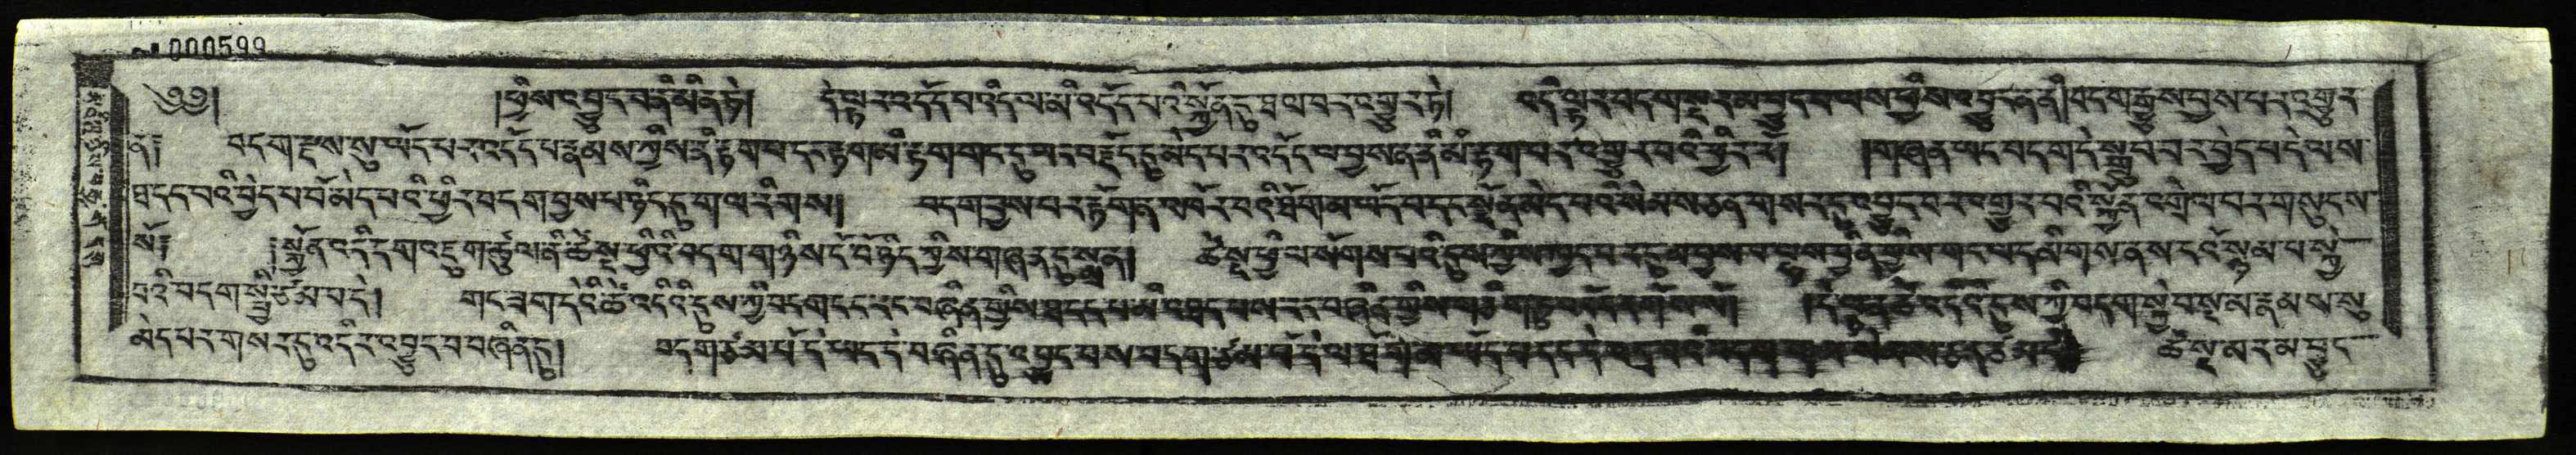༄༅། །ཕྱིས་འབྱུང་བ་ནི་མིན་ཏེ། དེ་ལྟར་འདོད་པ་འདི་ལ་མི་འདོད་པའི་སྐྱོན་དུ་ཐལ་བར་འགྱུར་ཏེ། འདི་ལྟར་བདག་སྔར་མ་བྱུང་བ་ལས་ཕྱིས་འབྱུང་ན་ནི། བདག་རྒྱུས་བྱས་པར་འགྱུར་
ན༑ བདག་རྫས་སུ་ཡོད་པར་འདོད་པ་རྣམས་ཀྱིས་ནི་རྟག་པ་དང་རྟག་མི་རྟག་གང་དུ་ཡང་བརྗོད་དུ་མེད་པར་འདོད་ལ་བྱས་ན་ནི་མི་རྟག་པར་འགྱུར་བའི་ཕྱིར་རོ། །གཞན་ཡང་བདག་དེ་སྒྲུབ་པར་བྱེད་པ་དེ་ལས་
ཐ་དད་པའི་བྱེད་པ་པོ་མེད་པའི་ཕྱིར་བདག་བྱས་པ་ཉིད་དུ་ག་ལ་རིགས། བདག་བྱས་པར་རྟོག་ན་འཁོར་བའི་ཐོག་མ་ཡོད་པ་དང་སྔོན་མེད་པའི་སེམས་ཅན་གསར་དུ་འབྱུང་བར་འགྱུར་བའི་སྐྱོན་འགྲེལ་བར་གསུངས་
སོ༑ ༑སྐྱོན་འདི་དག་འཇུག་ཚུལ་ནི་ཚེ་སྔ་ཕྱིའི་བདག་གཉིས་ངོ་བོ་ཉིད་ཀྱིས་གཞན་དུ་སྨྲ་ན། ཚེ་སྔ་ཕྱི་ལ་སོགས་པའི་དུས་ཀྱིས་ཁྱད་པར་དུ་མ་བྱས་པ་ལྷས་བྱིན་གྱིས་གང་ལ་དམིགས་ནས་ངའོ་སྙམ་པ་སྐྱེ་
བའི་བདག་སྤྱི་ཙམ་པ་དེ། གང་ཟག་དེའི་ཚེ་འདིའི་དུས་ཀྱི་བདག་དང་རང་བཞིན་གྱིས་ཐ་དད་པ་མི་འཐད་པས་རང་བཞིན་གྱིས་གཅིག་ཏུ་བཀོད?་དགོས་སོ། །དེ་ལྟ་ན་ཚེ་འདིའི་དུས་ཀྱི་བདག་སྐྱེ་བ་སྔ་མ་རྣམས་སུ་
མེད་པར་གསར་དུ་འདིར་འབྱུང་བ་བཞིན་དུ། བདག་ཙམ་པོ་དེ་ཡང་དེ་བཞིན་དུ་འབྱུང་བས་བདག་ཙམ་པོ་དེ་ལ་ཐོག་མ་ཡོད་པ་དང་དེ་འདྲ་བའི་བདག་གལ་སེམས་ཅན་ཙམ་དེ། ཚེ་སྔ་མར་མ་བྱུང་